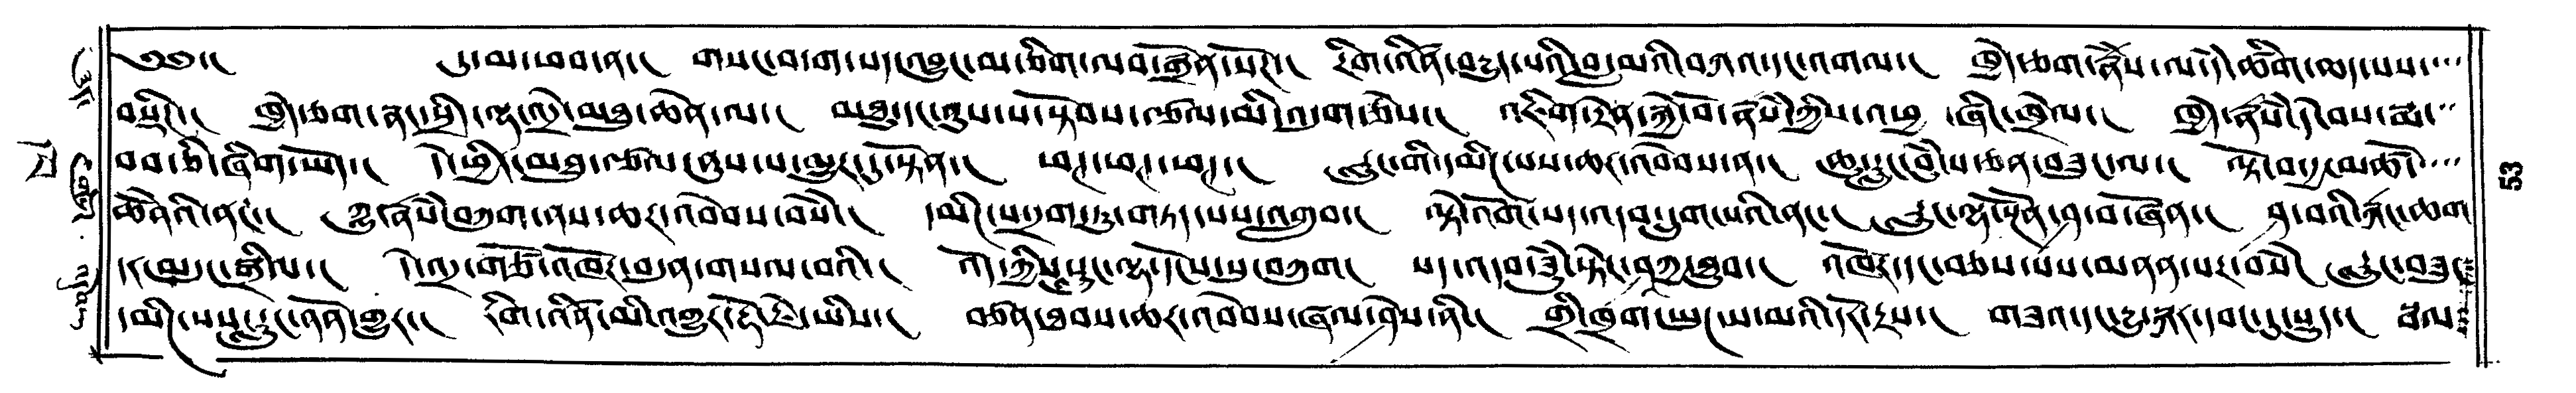དུ་མ་ཕབ་ན། གསང་བདག་པད་འབྱུང་མ་ཅིག་ལབ་སྒྲོན་སོགས། རིག་འཛིན་བརྒྱུད་པའི་བླ་མའི་བཀའ་དང་འགལ། ཁྱེད་ཅག་རྣམས་ལ་དམ་ཚིག་ཆད་པས་
བསྡིགས། ཁྱེད་ཅག་སྣང་སྲིད་ལྷ་འདྲེ་མཐུ་ཆེན་ལ། མཐུ་དང་ནུས་པ་སྟོབས་རྩལ་མི་འདུག་ཅེས། འཇིག་རྟེན་སྐྱེ་བོ་རྣམས་ཀྱིས་འཕྱ་ཞིང་ཁྲེལ། ཁྱེད་རྣམས་དེ་བས་སྨད་
བབ་ཅི་ཞིག་ཡོད། དེ་ཕྱིར་མཐུ་རྩལ་ནུས་པ་མྱུར་དུ་སྟོན། ཕཊ་ཕཊ་ཕཊ། རླུང་གི་དམིགས་པས་ཆར་འབེབས་ན། ཆུ་རླུང་བུམ་པ་ཅན་བཟུང་ལ། ལྟོ་བ་རྒྱ་མཚོ་
ཆེན་པོའི་ནང་། ཀླུ་རྣམས་བཀུག་ནས་ཆར་འབེབས་བསམ། དམིགས་པ་དྲག་ཏུ་གཏད་པས་འགྲུབ ལྟེ་འོག་པད་འདབ་དྲུག་པའི་ནང་། རླུང་ལྷ་སྔོན་ཤ་བ་ཞོན། ཤ་བའི་རྐང་ཆག་
དར་མདུང་སྒྲིལ། དེ་འདྲ་གཙོ་འཁོར་བདུན་གསལ་བའི། འོད་ཀྱིས་སླང་ལྷ་དངོས་སུ་བཀུག སད་འདབ་ཟུམ་སྟེང་ཤཱཀྱ་ཐུབ། འཁོར་དང་བཅས་པས་མནན་པར་བསམ། རླུང་བཟུང་
དམིགས་པས་རླུང་ནོན་གྱུར། རིག་འཛིན་མི་འགྱུར་རྡོ་རྗེ་ཡིས། བཙན་ཐབས་ཆར་འབེབས་ཞལ་ཞེས་ནི། གྲི་ཁྲག་ཡུགས་པ་མའི་དོར་དྲས། གཞའ་དང་རྒྱུ་སྐར་དབང་དུ་སྡུད། སྦལ་